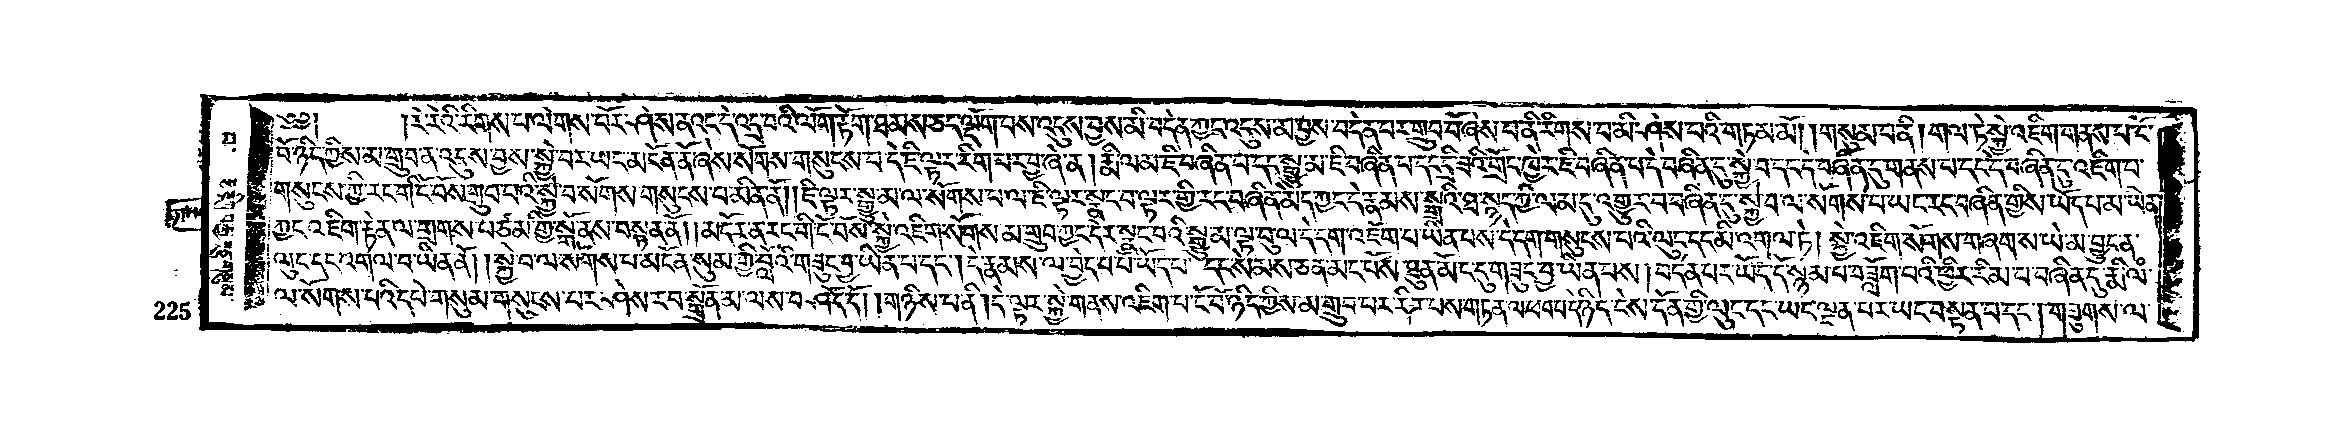༄༅། །རེ་རེའི་རིགས་པ་ལེགས་པོར་ཤེས་ནའང་དེ་འདྲ་བའི་ལོག་རྟོག་ཐམས་ཅད་ལྡོག་པས་འདུས་བྱས་མི་བདེན་ཀྱང་འདུས་མ་བྱས་བདེན་པར་གྲུབ་བོ་ཞེས་པ་ནི་རིགས་པ་མི་ཤེས་པའི་གཏམ་མོ། །གསུམ་པ་ནི། གལ་ཏེ་སྐྱེ་འཇིག་གནས་པ་ངོ་
བོ་ཉིད་ཀྱིས་མ་གྲུབ་ན་འདུས་བྱས་སྐྱེ་བར་ཡང་མངོན་ནོ་ཞེས་སོགས་གསུངས་པ་དེ་ཇི་ལྟར་རིགས་པར་བྱ་ཞེ་ན། རྨི་ལམ་ཇི་བཞིན་པ་དང་སྒྱུ་མ་ཇི་བཞིན་པ་དང་དྲི་ཟའི་གྲོང་ཁྱེར་ཇི་བཞིན་པ་དེ་བཞིན་དུ་སྐྱེ་བ་དང་དེ་བཞིན་དུ་གནས་པ་དང་དེ་བཞིན་དུ་འཇིག་པ་
གསུངས་ཀྱི་རང་གི་ངོ་བོས་གྲུབ་པའི་སྐྱེ་བ་སོགས་གསུངས་པ་མིན་ནོ། །ཇི་ལྟར་སྒྱུ་མ་ལ་སོགས་པ་ལ་ཇི་ལྟར་སྣང་བ་ལྟར་གྱི་རང་བཞིན་མེད་ཀྱང་དེ་རྣམས་སྒྲའི་ཐ་སྙད་ཀྱི་ལམ་དུ་འགྱུར་བ་བཞིན་དུ་སྐྱེ་བ་ལ་སོགས་པ་ཡང་རང་བཞིན་གྱིས་ཡོད་པ་ན་ཡིན་
ཀྱང་འཇིག་རྟེན་ལ་གྲགས་པ་ཙམ་གྱི་སྒོ་ནས་བསྟན་ནོ། །མདོར་ན་རང་གི་ངོ་བོས་སྐྱེ་འཇིག་སོགས་མ་གྲུབ་ཀྱང་དེར་སྣང་བའི་སྒྱུ་མ་ལྟ་བུ་ལ་དེ་དག་འཇོག་པ་ཡིན་པས་དེ་དག་གསུངས་པའི་ལུང་དང་མི་འགལ་ཏེ། སྐྱེ་འཇིག་སོགས་གཞག་ས་ཡེ་མ་བྱུང་ན་
ལུང་དང་འགལ་བ་ཡིན་ནོ། །སྐྱེ་བ་ལ་སོགས་པ་མངོན་སུམ་གྱི་བློའི་གཟུང་བྱ་ཡིན་པ་དང་། དེ་རྣམས་ལ་བྱེད་པ་པོ་ཡོད་པ་དང་སེམས་ཅན་མང་པོས་ཐུན་མོང་དུ་གཟུང་བྱ་ཡིན་པས། བདེན་པར་ཡོད་དོ་སྙམ་པ་བཟློག་པའི་ཕྱིར་རིམ་པ་བཞིན་དུ་རྨི་ལཾ་
ལ་སོགས་པའི་དཔེ་གསུམ་གསུངས་པར་ཤེས་རབ་སྒྲོན་མ་ལས་བཤད་དོ། །གཉིས་པ་ནི། དེ་ལྟར་སྐྱེ་གནས་འཇིག་པ་ངོ་བོ་ཉིད་ཀྱིས་མ་གྲུབ་པར་རིཌ་པས་གཏན་ལ་ཕབ་པ་དེ་ཉིད་ངེས་དོན་གྱི་ལུང་དང་ཡང་ལྡན་པར་ཡང་བསྟན་པ་དང་། གཟུགས་ལ་